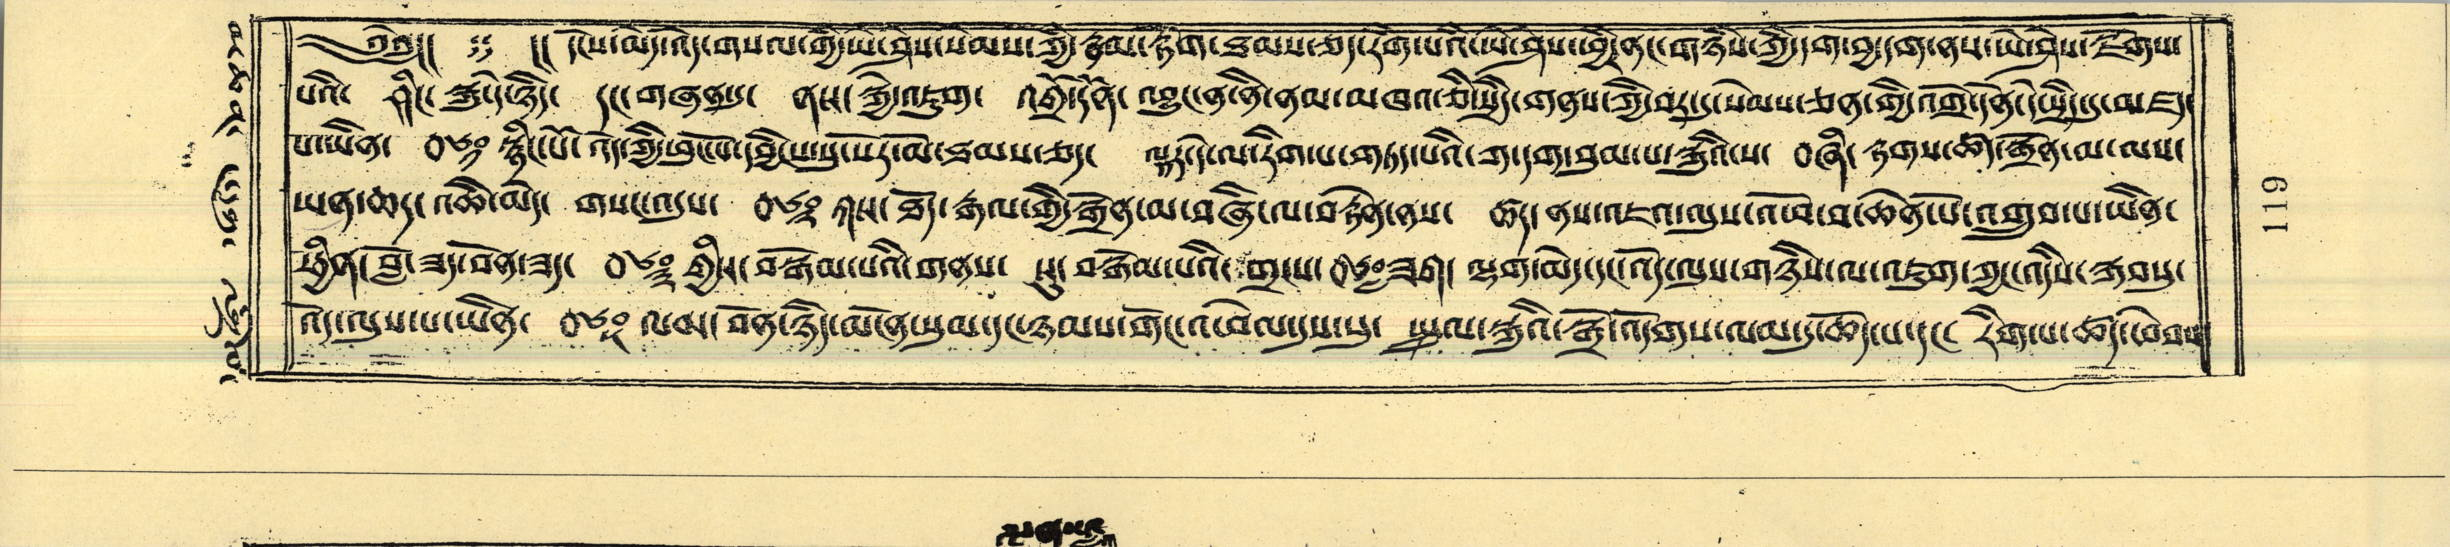དངོས་མེད་འོད་གསལ་གྱི་ཡེ་ཤེས་སེམས་ཀྱི་རྣམ་རྟོག་ཐམས་ཅད་རིག་པའི་ཡེ་ཤེས་ཕྱི་ནང་གཉིས་ཀྱི་དག་བྱ་དག་ནས་ཡེ་ཤེས་རྫོགས་
པའི་༼ཤིང༽སྐུ་དེ་ཉིད་༼དང༽གཞན་དུ་༼ནས༽སྐྱེ་འཇུག་ ༼འགྲོ་དོན༽འབྱུང་ན་ནི་ནམ་མཁའ་ཅི་སྲིད་གནས་ཀྱི་བར་དུ་སེམས་ཅན་གྱི་འགྲོ་དོན་དེ་སྲིད་དུ་མཛད་
པ་ཡིན། བ༦༠།༡༼སྙིང་པོ༽འོད་ཀྱི་ཕུང་པོ་དབྱིངས་སུ་སོར་མོ་ཐམས་ཅད་ལྟར་དེ་ལ་རིག་པ་གཏད་པའི་ཀ་དག་བུམ་པ་སྐུའི་ས།༼བཞི༽རྟགས་ཚད་སྒྲོན་མ་ལས་
༼ཡན་ཆད༽འཆི་མེད་གསང་འདུས་བ༦༠།༢༼ཀས༽ཐོད་རྒལ་གྱི་སྒྲོན་མ་བཞི་ལ་བརྟེན་ནས་༼ཚད༽ནས་འཇའ་ལུས་འཕོ་བ་ཆེན་པོ་འགྲུབ་པ་ཡིན་
༼ཕྱིན༽བློ་ཟད་བོན་ཟད་བ༦༠།༣༼གྱིས༽བསྒོམ་པའི་གནས་༼སུ༽བསྒོམ་པའི་གནས་༼སུ༽བསྒོམ་པའི་གྲངས་བ༦༠།༤༼ཟག༽ལྷག་མེད་དང་འོད་ལུས་གཉིས་ལ་འཇུག་ཀྱང་འདིས་སྐབས་སུ་
འོད་ལུས་པ་ཡིན། བ༦༠།༥ བོན་ཉིད་མངོན་སུམ་དང་ཉམས་གོང་འཕེལ་དུས་སུ་སྤྲུལ་སྐུའི་སྒྲོ་འདོགས་ལམ་དུ་ཆོད་པ་དང་རིག་པ་ཚད་ཕེབས་